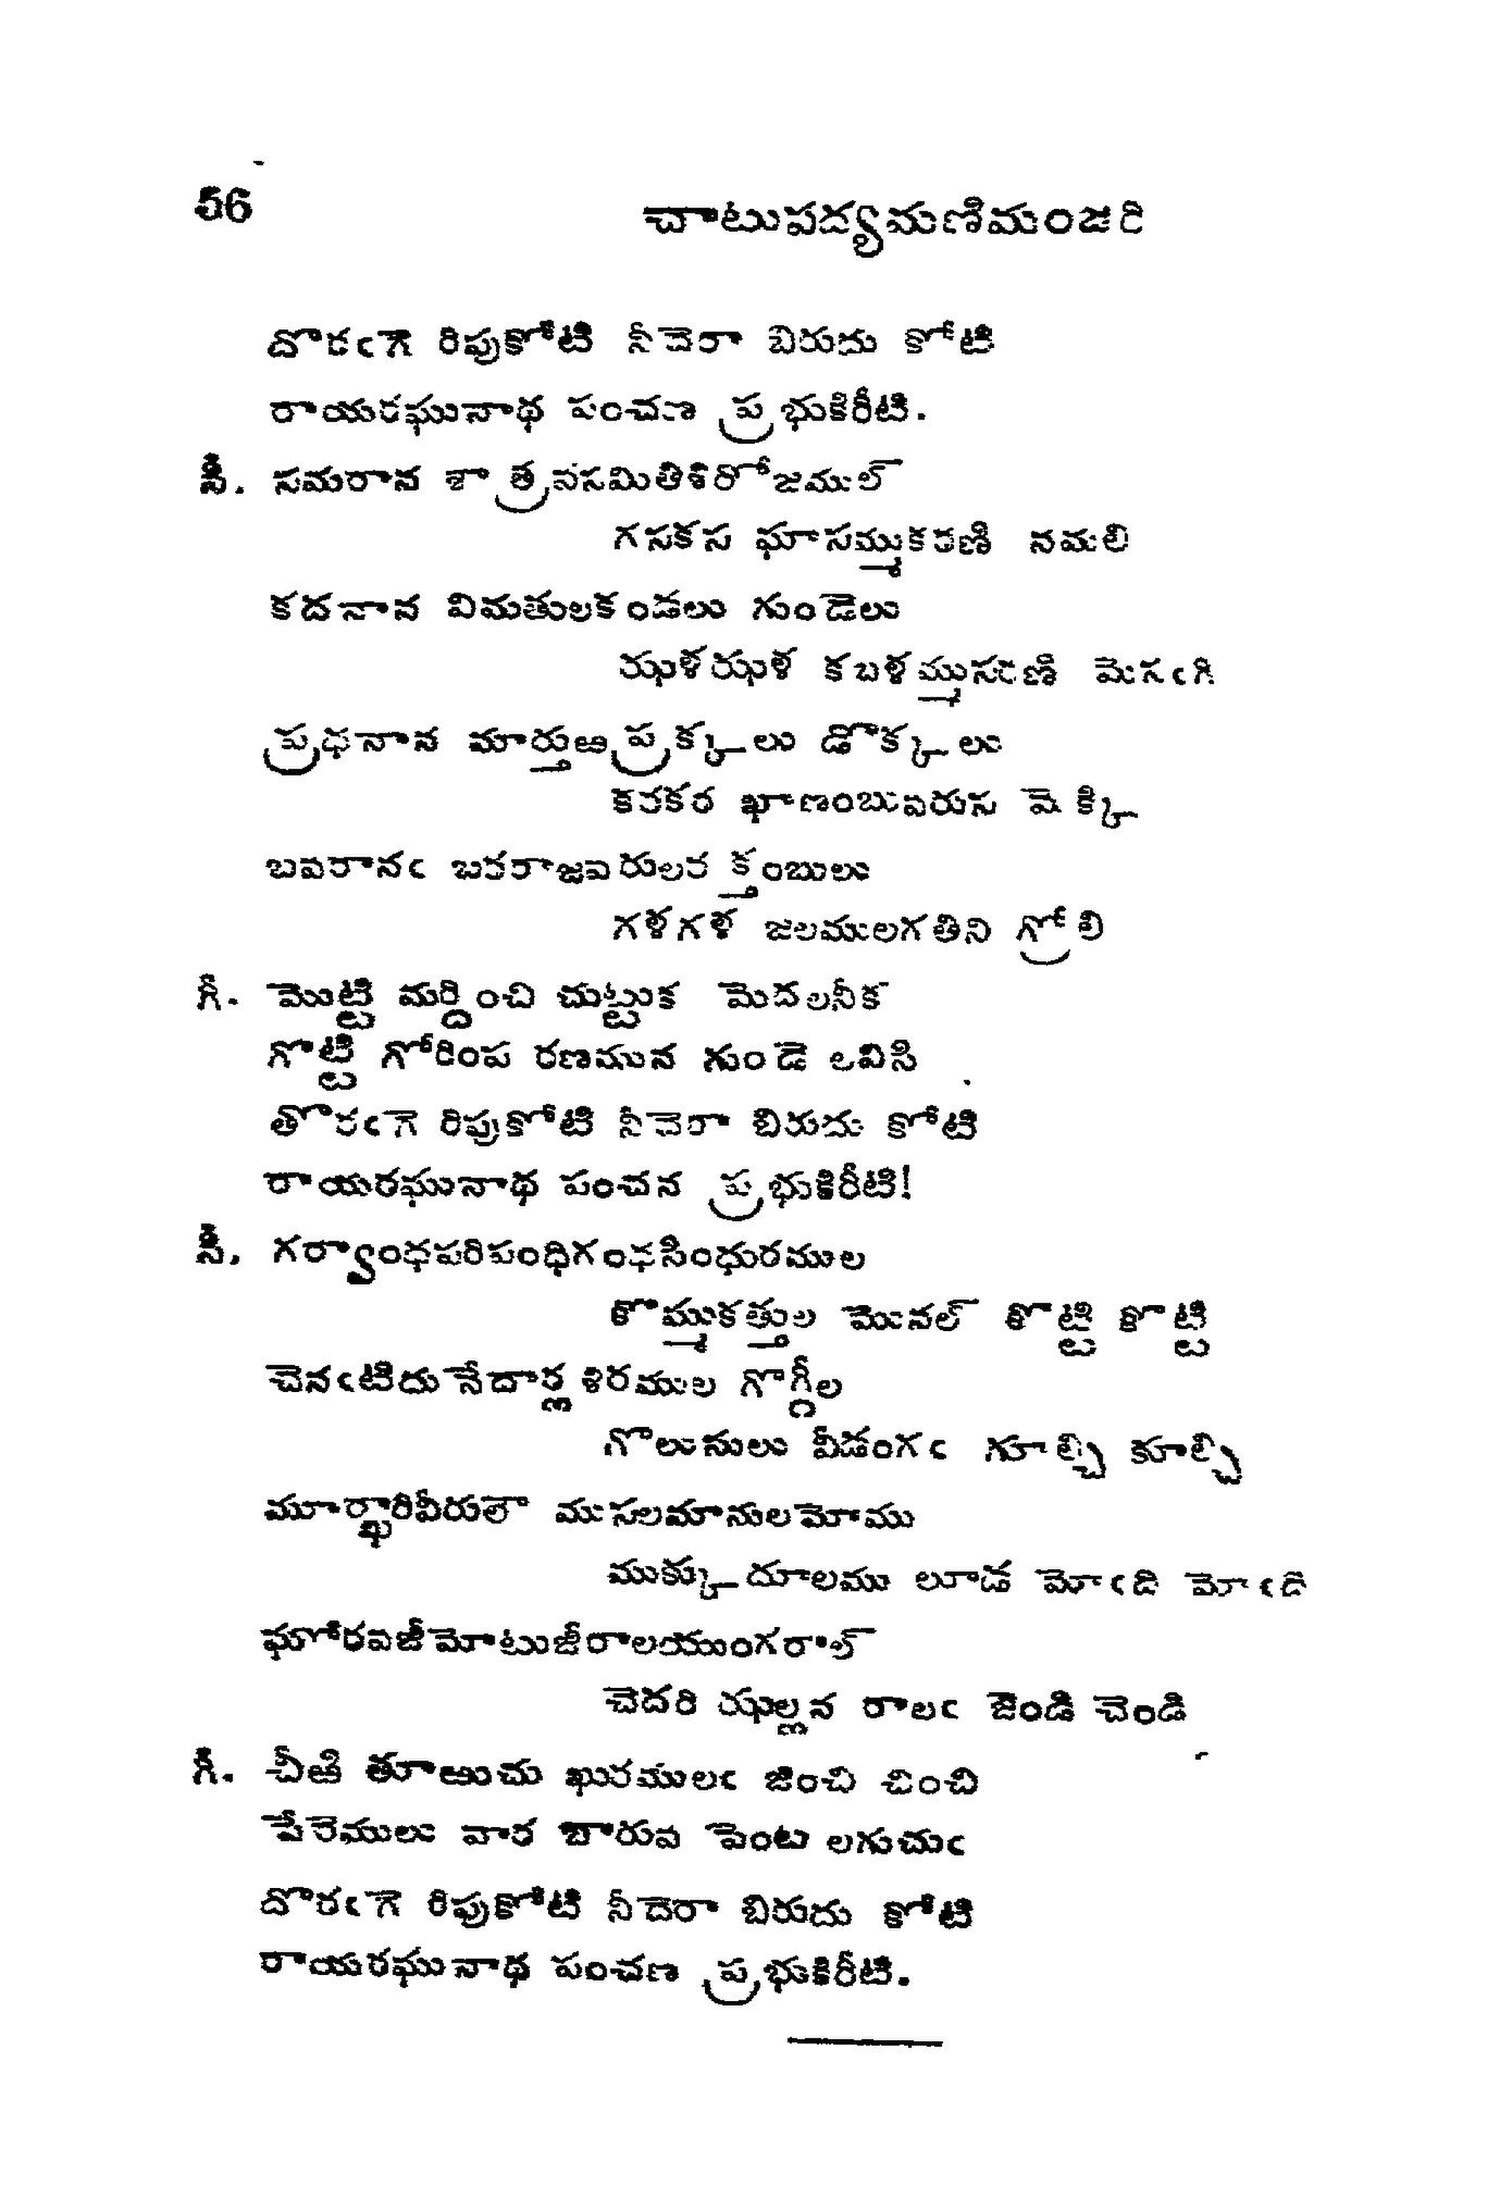దొరఁగె రిపుకోటి నీదెరా బిరుదు కోటి
 రాయరఘునాథ పంచణ ప్రభుకిరీటి.
సీ. సమరాన శాత్రవసమితిశిరోజముల్
 గసకస ఘాసమ్ముకరణి నమలి
 కదనాన విమతులకండలు గుండెలు
 ఝళఝళ కబళమ్ముసరణి మెసఁగి
 ప్రధనాన మార్తుఱప్రక్కలు డొక్కలు
 కరకర ఖాణంబువరుస మెక్కి
 బవరానఁ బరరాజవరులరక్తంబులు
 గళగళ జలములగతిని గ్రోలి
గీ. మొట్టి మర్దించి చుట్టుక మెదలనీక
 గొట్టి గోరింప రణమున గుండె లవిసి
 తొరఁగె రిపుకోటి నీదెరా బిరుదు కోటి
 రాయరఘునాథ పంచణ ప్రభుకిరీటి!
సీ. గర్వాంధపరిపంధిగంధసింధురముల
 కొమ్ముకత్తుల మొనల్ కొట్టి కొట్టి
 చెనఁటిదునేదార్లశిరముల గొగ్గీల
 గొలుసులు వీడంగఁ గూల్చి గూల్చి
 మూర్ఖారివీరులౌ ముసలమానులమోము
 ముక్కుదూలము లూడ మోఁది మోఁది
 ఘోరవజీమోటుజీరాలయుంగరాల్
 చెదరి ఝల్లన రాలఁ జెండి చెండి
గీ. చీఱి తూఱుచు ఖురములఁ జించి చించి
 పేరెములు వార బారువ పెంట లగుచుఁ
 దొరఁగె రిపుకోటి నీదెరా బిరుదు కోటి
 రాయరఘునాథ పంచణ ప్రభుకిరీటి!